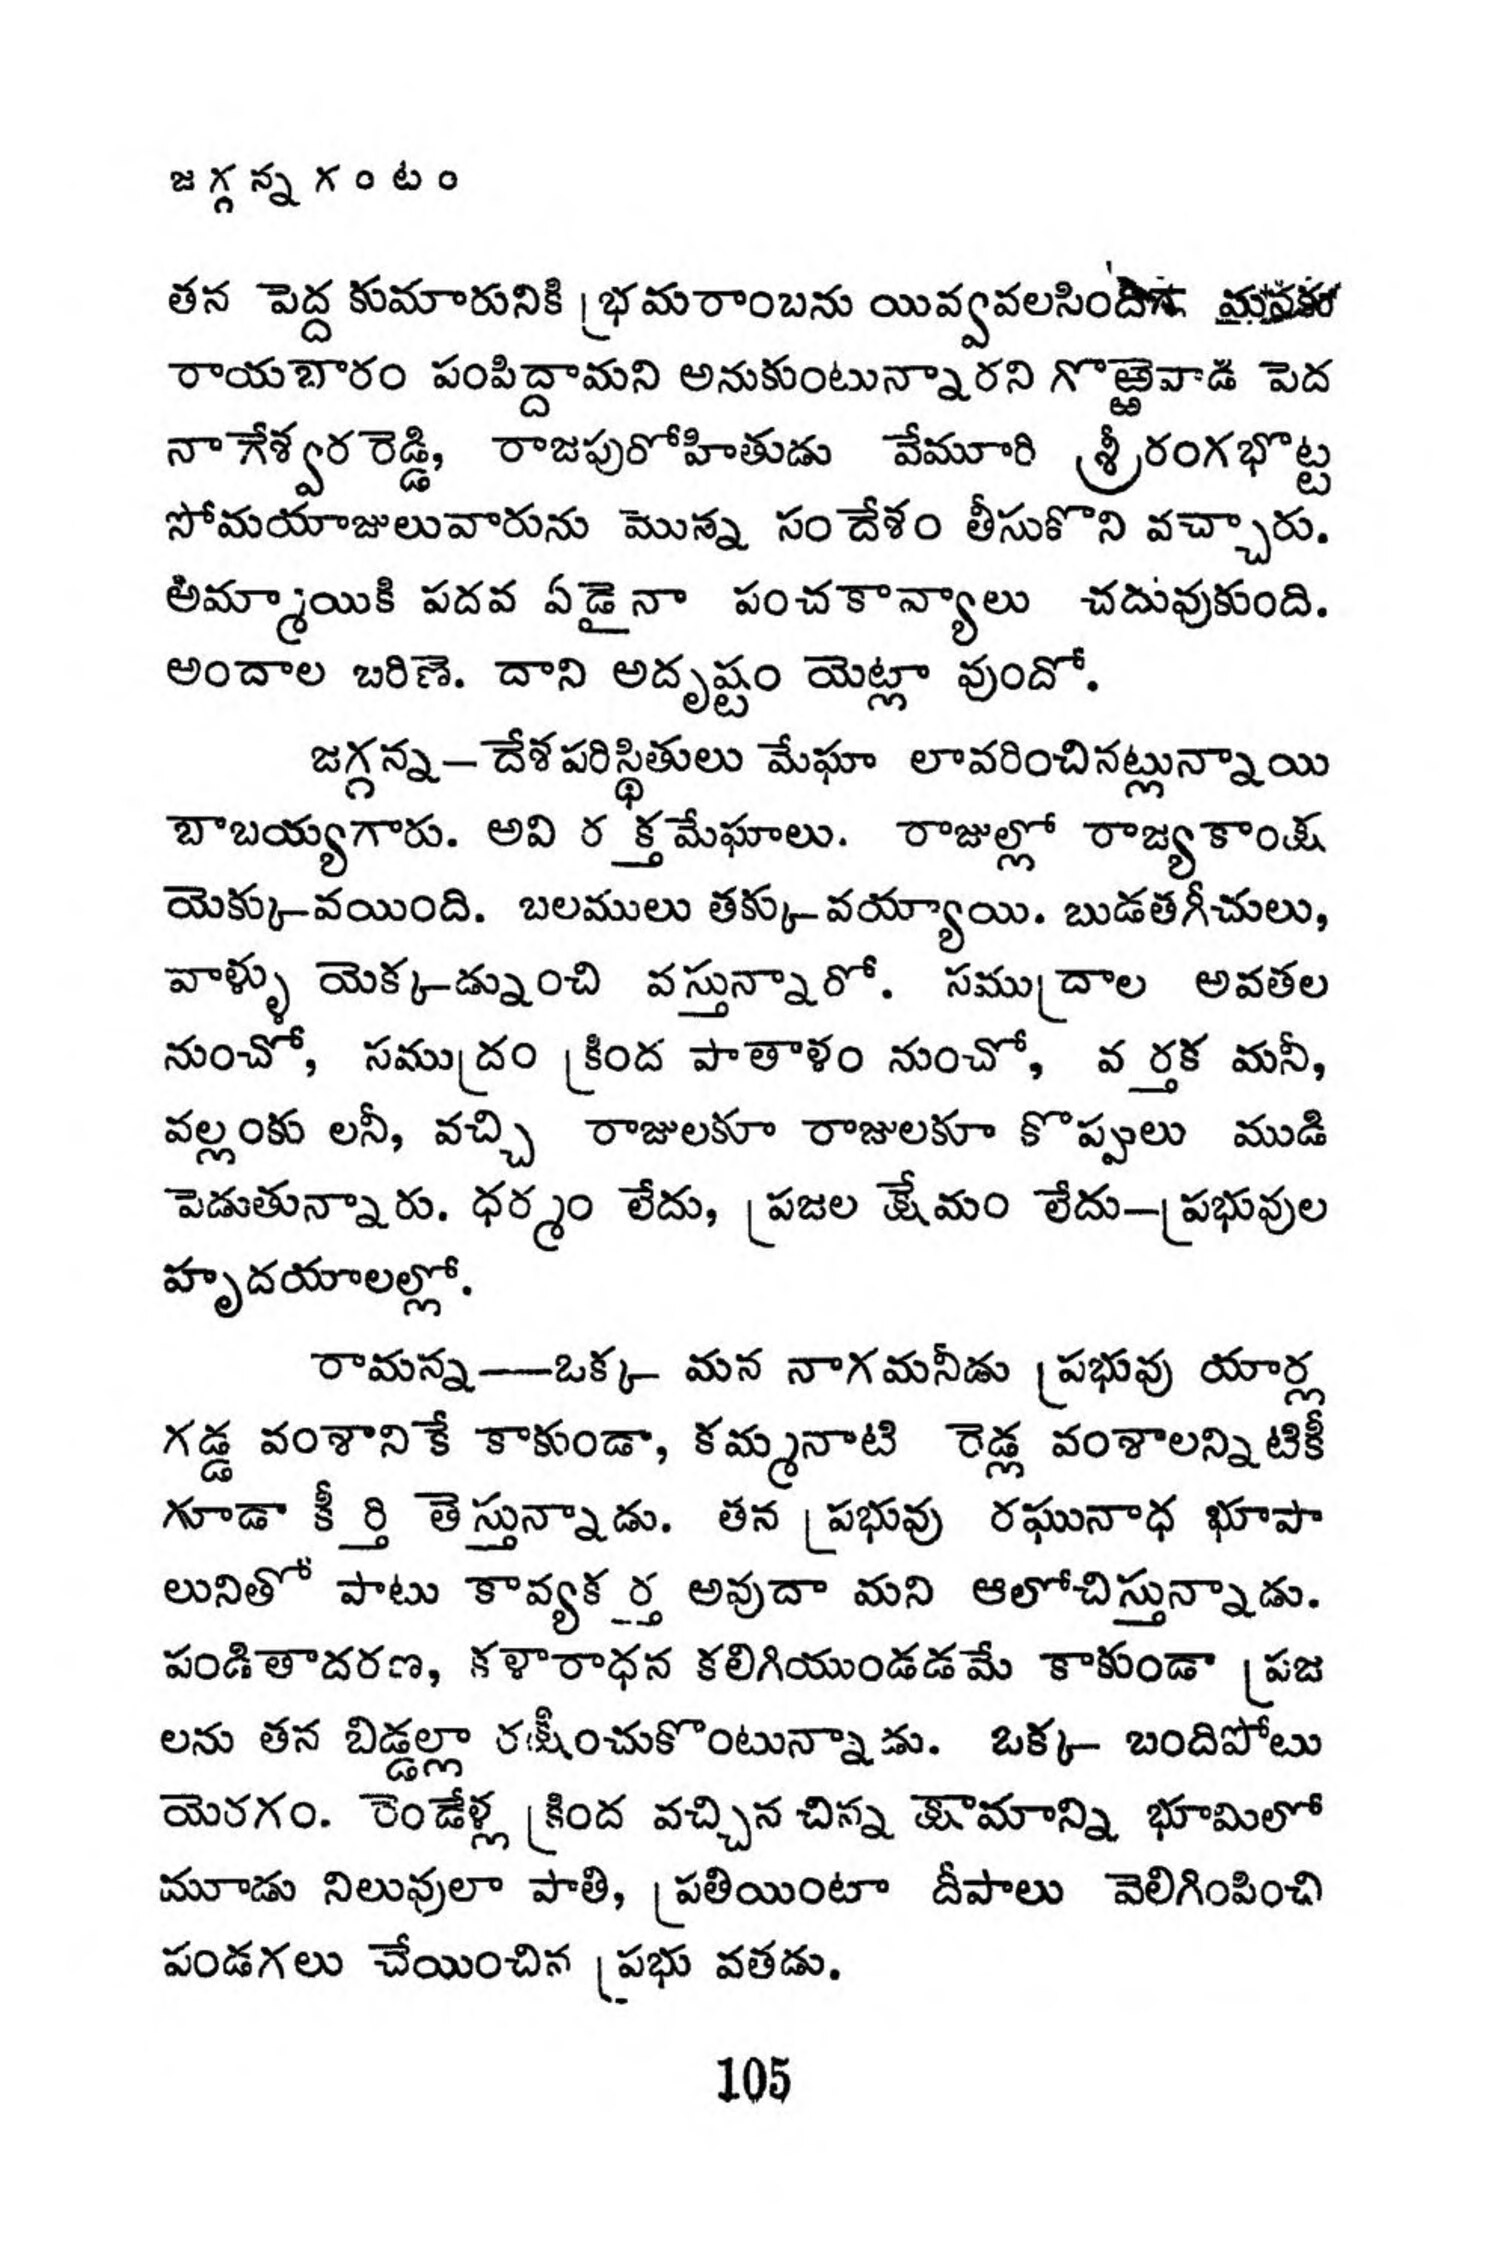తన పెద్ద కుమారునికి భ్రమరాంబను యివ్వవలసిందిగా మనకు రాయబారం పంపిద్దామని అనుకుంటున్నారని గొఱ్ఱెవాడి పెద నాగేశ్వరరెడ్డి, రాజపురోహితుడు వేమూరి శ్రీరంగభొట్ట సోమయాజులువారును మొన్న సందేశం తీసుకొని వచ్చారు. అమ్మాయికి పదవ ఏడైనా పంచకావ్యాలు చదువుకుంది. అందాల బరిణె. దాని అదృష్టం యెట్లా వుందో.

జగ్గన్న -- దేశపరిస్థితులు మేఘా లావరించినట్లున్నాయి బాబయ్యగారు. అవి రక్తమేఘాలు. రాజుల్లో రాజ్యకాంక్ష యెక్కువయింది. బలములు తక్కువయ్యాయి. బుడతగీచులు, వాళ్ళు యెక్కడ్నుంచి వస్తున్నారో, సముద్రాల అవతల నుంచో, సముద్రం క్రింద పాతాళం నుంచో, వర్తక మనీ, వల్లంకు లనీ, వచ్చి రాజులకూ రాజులకూ కొప్పులు ముడి పెడుతున్నారు. ధర్మం లేదు. ప్రజల క్షేమం లేదు - ప్రభువుల హృదయాలల్లో.

రామన్న -- ఒక్క మన నాగమనీడు ప్రభువు యార్లగడ్డ వంశానికే కాకుండా, కమ్మనాటి రెడ్ల వంశాలన్నిటికీ గూడా కీర్తి తెస్తున్నాడు. తన ప్రభువు రఘునాధ భూపాలునితో పాటు కావ్యకర్త అవుదా మని ఆలోచిస్తున్నాడు. పండితాదరణ, కళారాధన కలిగియుండడమే కాకుండా ప్రజలను తన బిడ్డల్లా రక్షించుకొంటున్నాడు. ఒక్క బందిపోటు యెరగం. రెండేళ్ల క్రింద వచ్చిన చిన్న క్షామాన్ని భూమిలో మూడు నిలువులా పాతి, ప్రతియింటా దీపాలు వెలిగింపించి పండగలు చేయించిన ప్రభు వతడు.